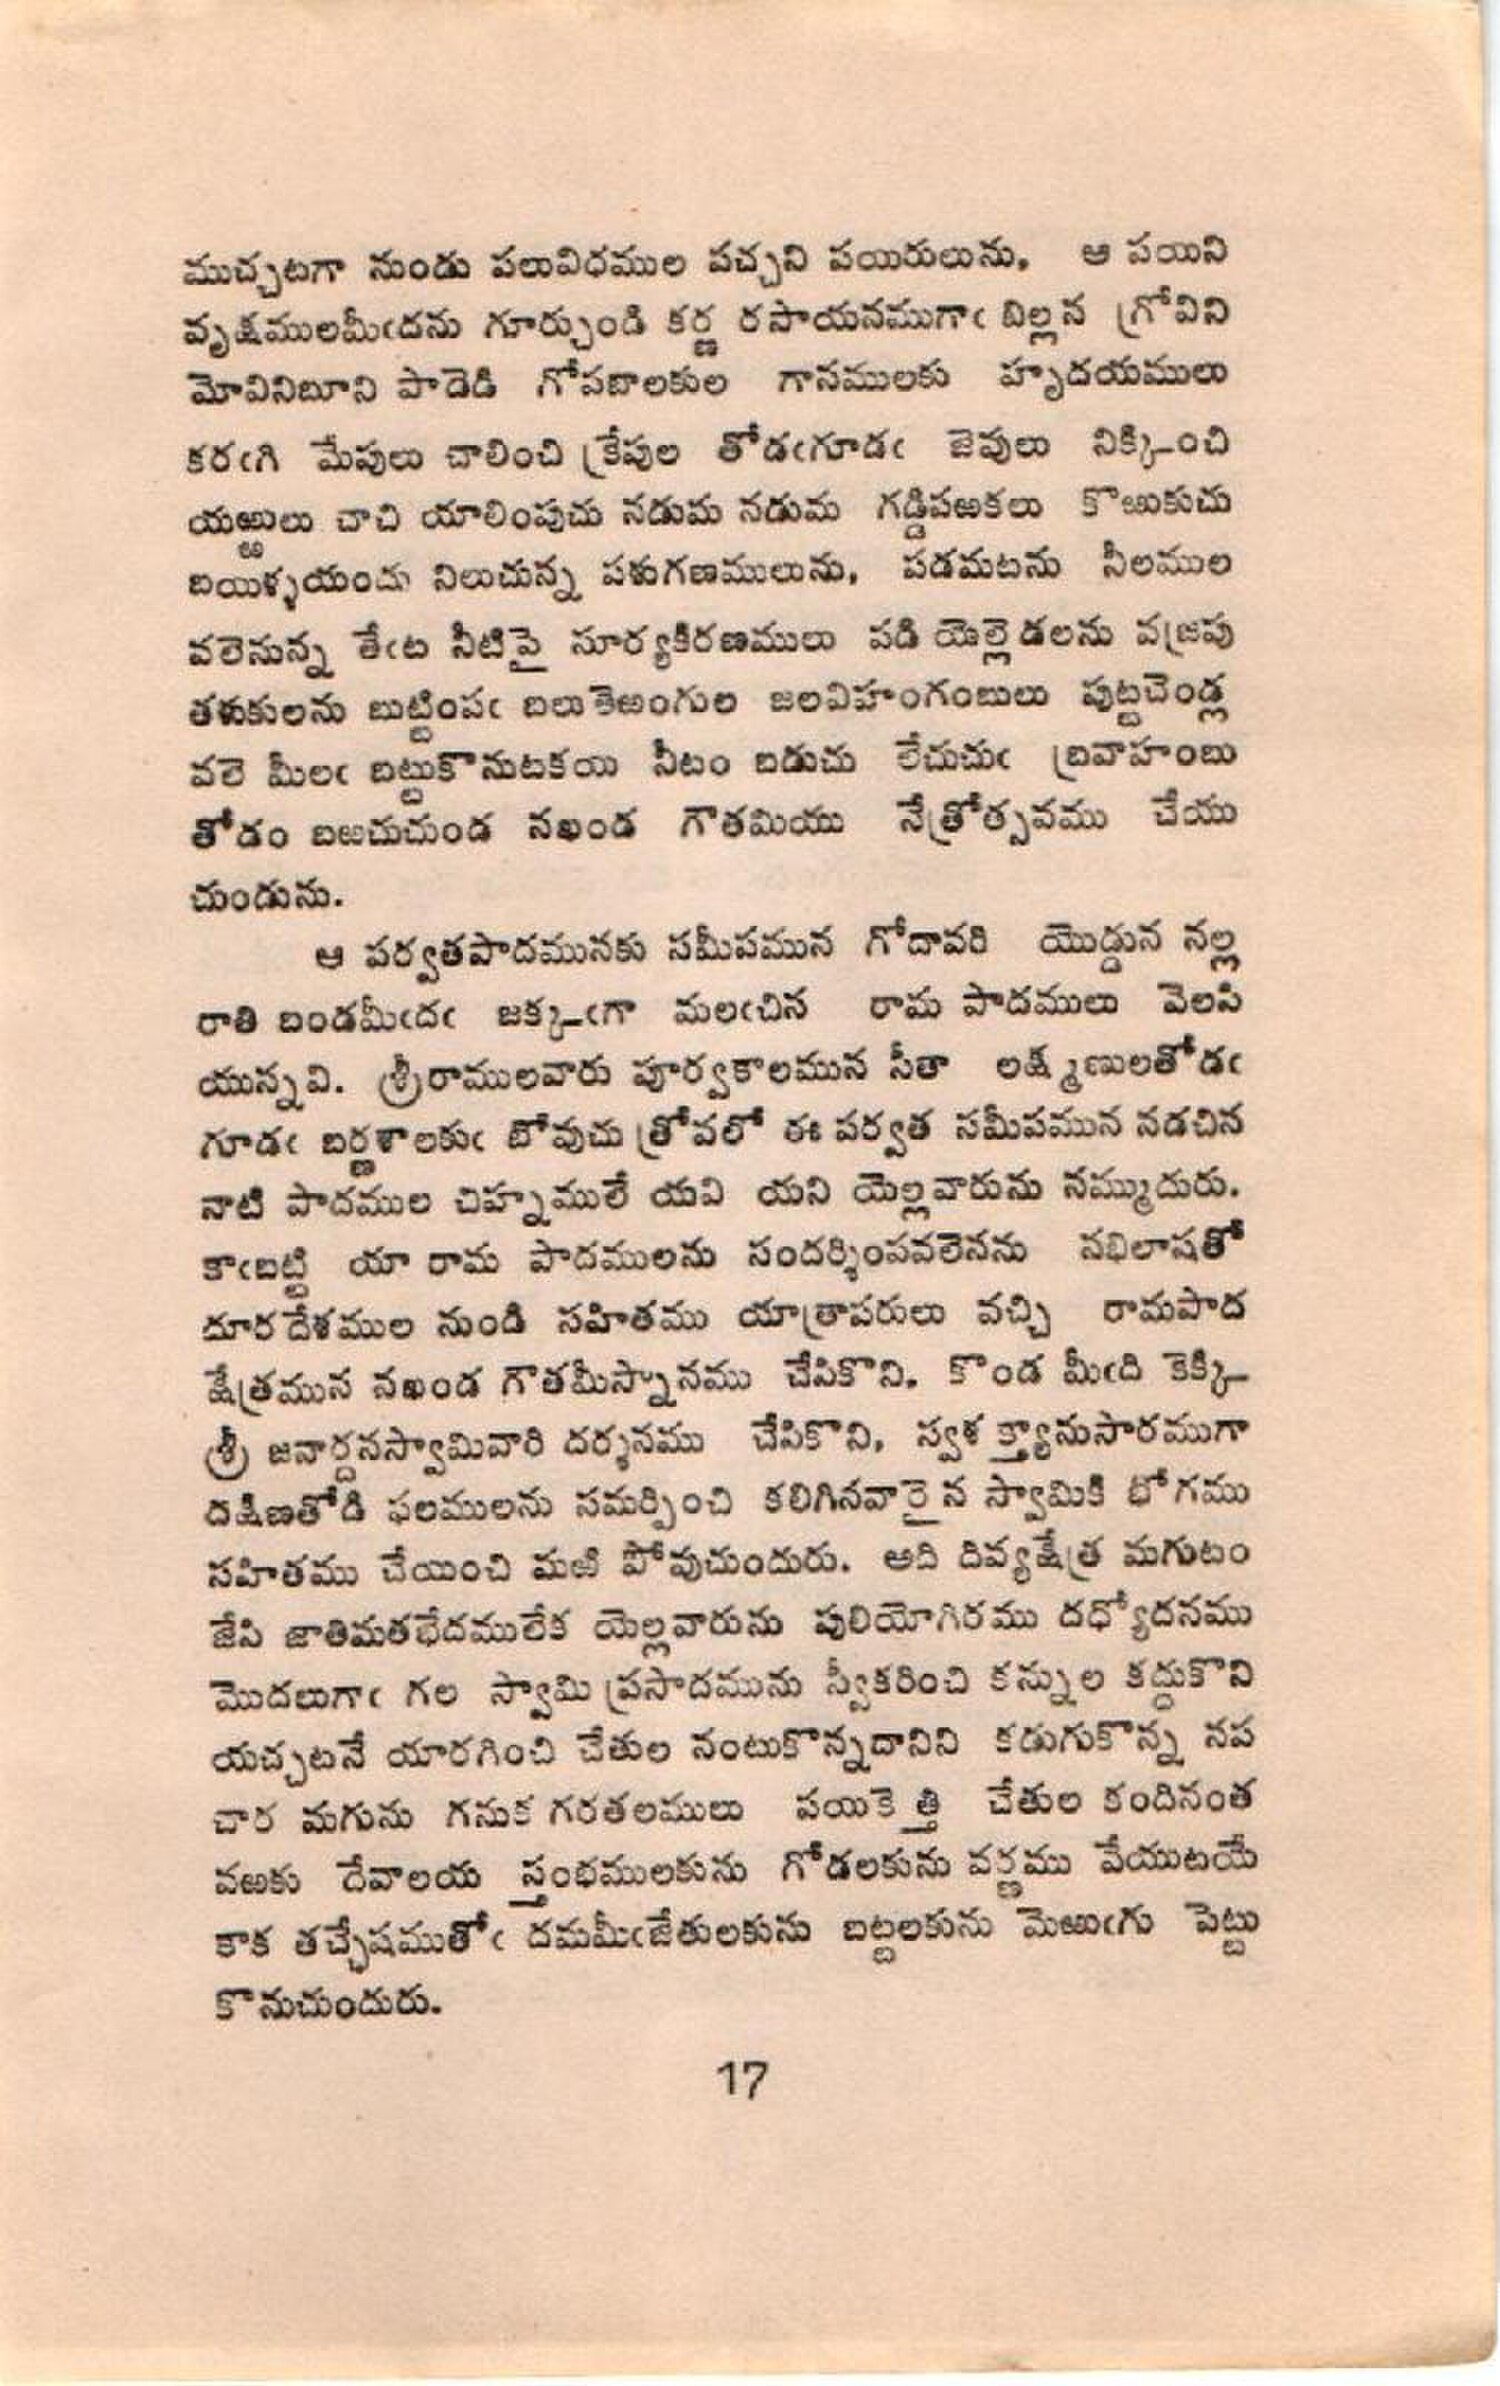ముచ్చటగా నుండు పలువిధముల వచ్చని పయిరులను, ఆ పయిని వృక్షములమీఁదను గూర్చుండి కర్ణ రసాయనముగా బిల్లన గ్రోవిని మోవినిబూని పాడెడి గోపబాలకుల గానములకు హృదయములు కరఁగి మేపులు చాలించి కేపల తోడఁగూడఁ జెవులు నిక్కించి యఱ్ఱులు చాచి యాలింపుచు నడుమ నడుమ గడ్డిపఱకలు కొఱుకుచు బయిళ్ళయందు నిలుచున్న పశుగణములను, పడమటను నీలముల వలెనున్న తేఁట నీటిపై సూర్యకిరణములు పడి యెల్లెడలను వజ్రపు తళుకులను బుట్టింపఁ బలుతెఱంగుల జలవిహంగంబులు పట్టచెండ్ల వలె మీలఁ బట్టుకొనుటకయి నీటం బడుచు లేచుచుఁ బ్రవాహంబు తోడం బఱచుచుండ నఖండ గౌతమియు నేత్రోత్సవము చేయు చుండును.

ఆ పర్వతపాదమునకు సమీపమున గోదావరి యొడ్డున నల్ల రాతి బండమీఁదఁ జక్కఁగా మలఁచిన రామ పాదములు వెలసి యున్నవి. శ్రీరాములవారు పూర్వకాలమున సీతా లక్ష్మణులతోడఁ గూడఁ బర్ణశాలకుఁ బోవుచు త్రోవలో ఈ పర్వత సమీపమున నడచిన నాటి పాదముల చిహ్నములే యవి యని యెల్లవారును నమ్మదురు. కాబట్టి యా రామ పాదములను సందర్శింపవలెనను నభిలాషతో దూరదేశముల నుండి సహితము యాత్రాపరులు వచ్చి రామపాద క్షేత్రమున నఖండ గౌతమీస్నానము చేసికొని, కొండ మీఁది కెక్కి శ్రీ జనార్ధనస్వామివారి దర్శనము చేసికొని, స్వశక్త్యానుసారముగా దక్షిణతోడి ఫలములను సమర్పించి కలిగినవారైన స్వామికి భోగము సహితము చేయించి మఱి పోవుచుందురు. అది దివ్యక్షేత్ర మగుటం జేసి జాతిమతభేదములేక యెల్లవారును పులియోగిరము దధ్యోదనము మొదలుగాఁ గల స్వామి ప్రసాదమును స్వీకరించి కన్నుల కద్దుకొని యచ్చటనే యారగించి చేతుల నంటుకొన్నదానిని కడుగుకొన్న నప చార మగును గనుక గరతలములు పయికెత్తి చేతుల కందినంత వఱకు దేవాలయ స్తంభములకును గోడలకును వర్ణము వేయుటయే కాక తచ్ఛేషముతోఁ దమమీఁజేతులకును బట్టలకును మెఱుఁగు పెట్టు కొనుచుందురు.